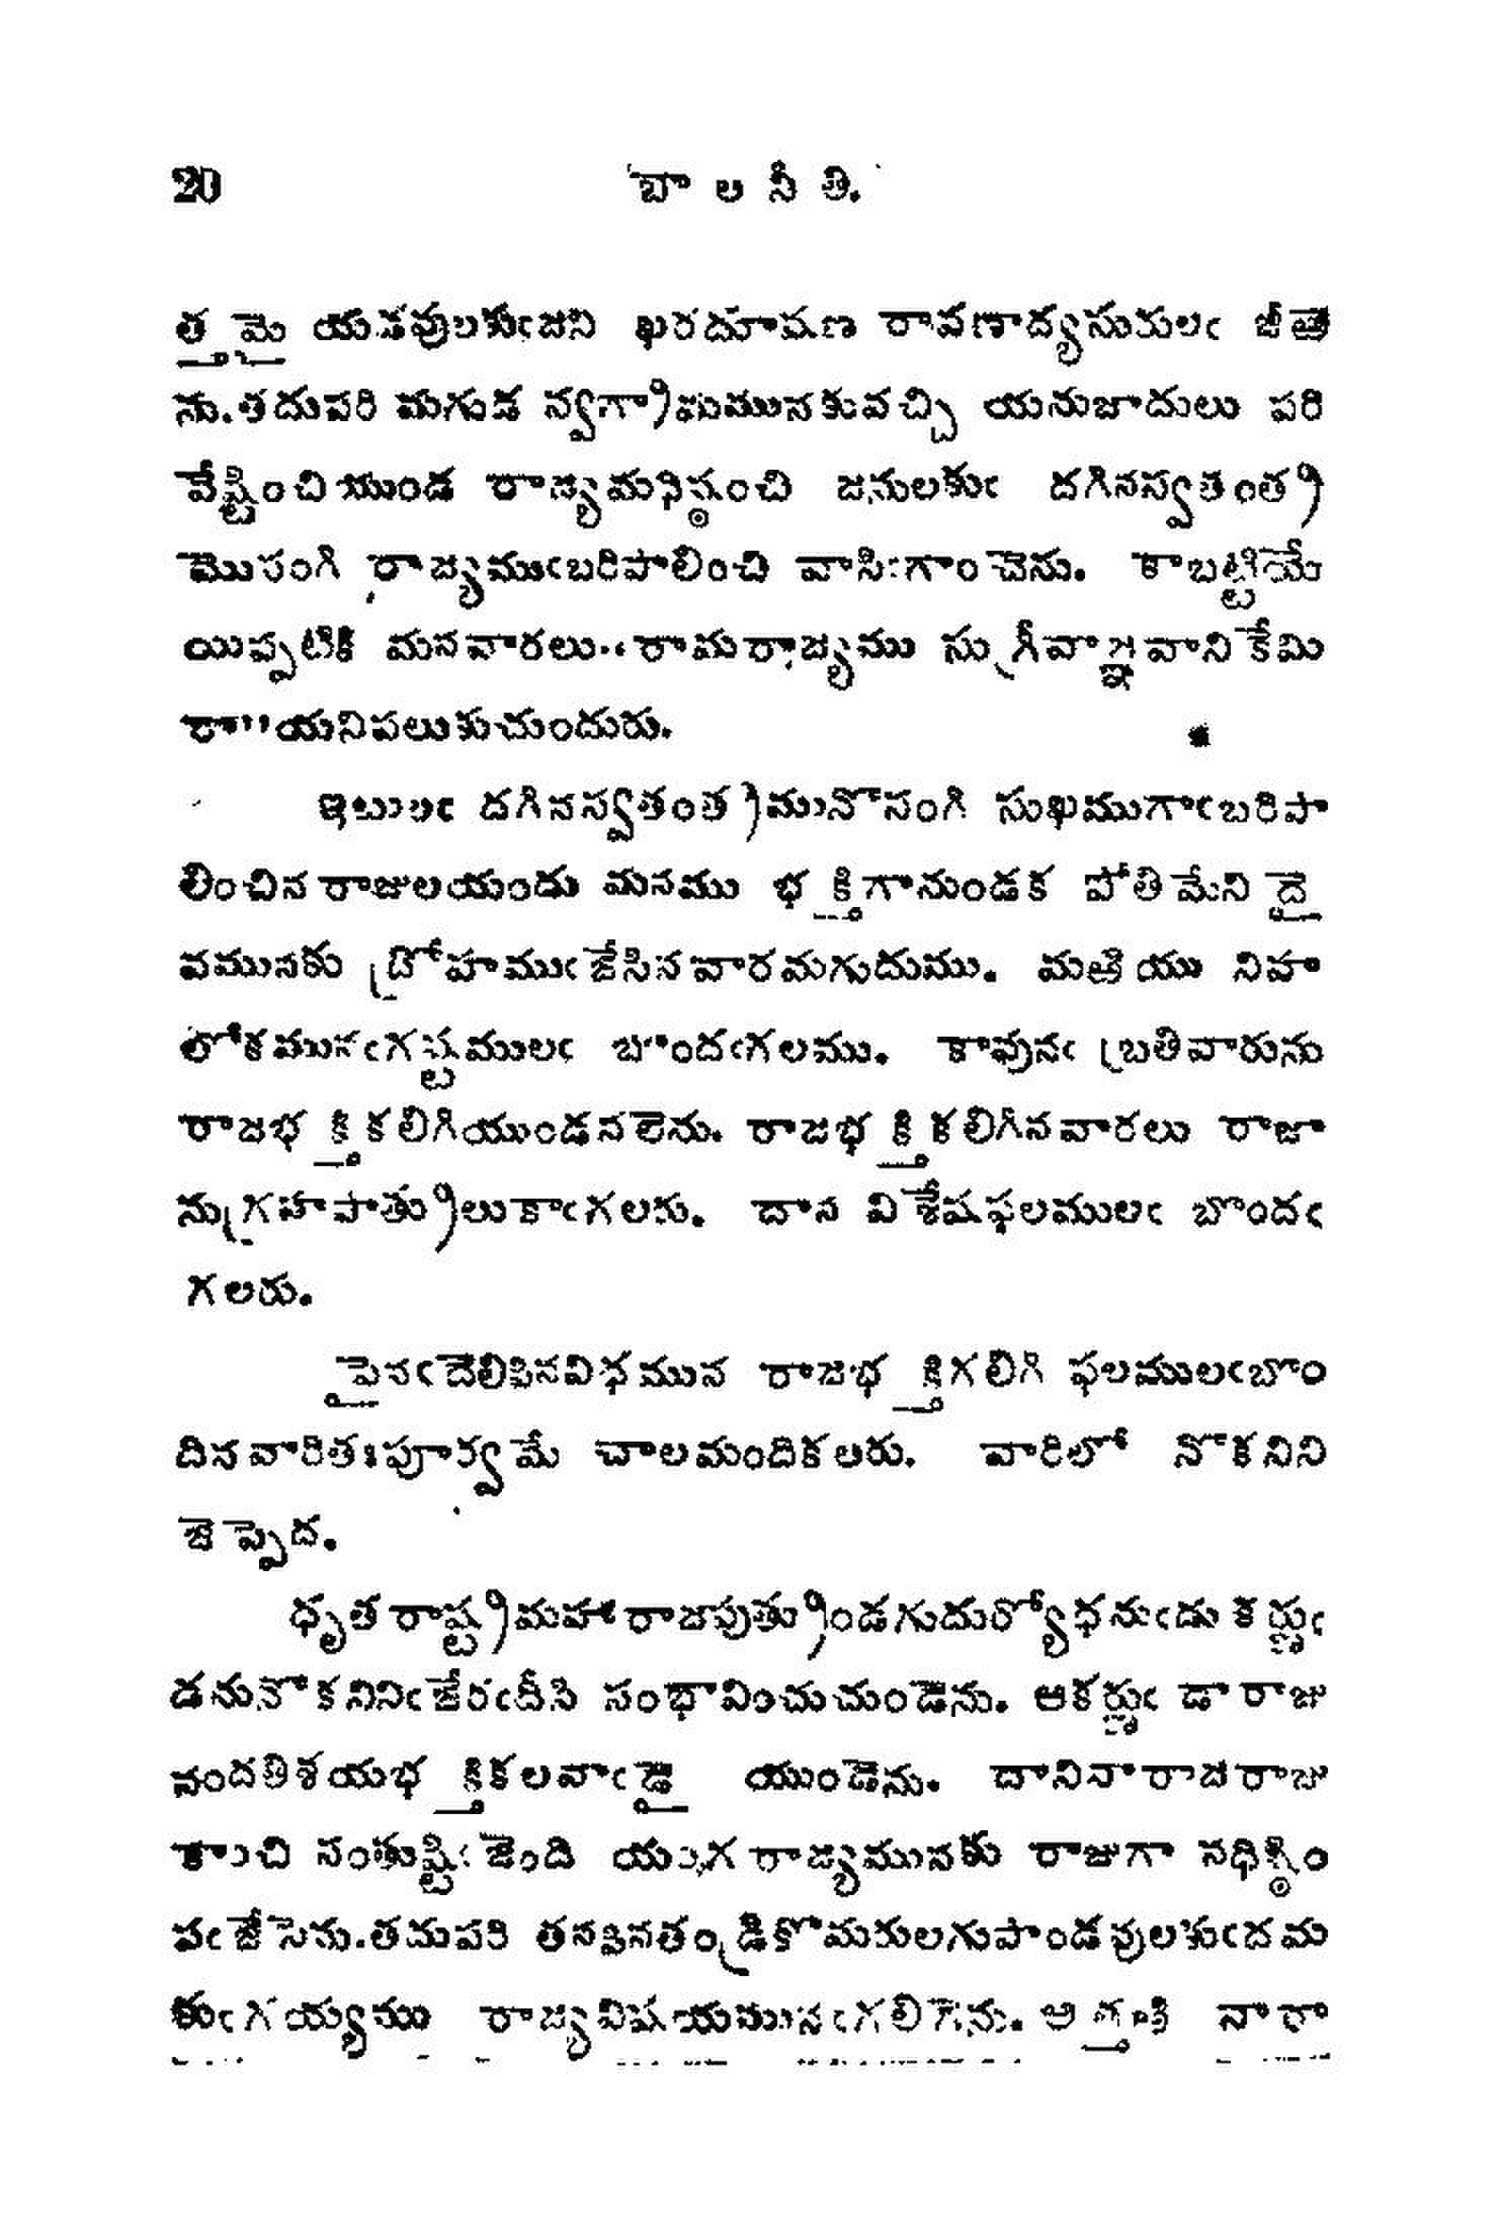త్తమై యడవులకుఁజని ఖరదూషణ రావణాద్యసురులఁ జీఱె
ను. తదుపరి మగుడ స్వగ్రామమునకువచ్చి యనుజాదులు పరి
వేష్టించియుండ రాజ్యమధిష్ఠించి జనులకుఁ దగినస్వతంత్ర
మొసంగి రాజ్యముఁబరిపాలించి వాసిఁగాంచెను. కాబట్టియే 
యిప్పటికి మనవారలు "రామరాజ్యము సుగ్రీవాజ్ఞవానికేమి
రా" యని పలుకుచుందురు. 

ఇటులఁ దగినస్వతంత్రమునొసంగి సుఖముగాఁబరిపా
లించిన రాజులయందు మనము భక్తిగానుండక పోతిమేని దై
వమునకు ద్రోహముఁజేసినవారమగుదుము. మఱియు నిహ
లోకమునఁగష్టములఁ బొందఁగలము. కావునఁ బ్రతివారును 
రాజభక్తికలిగియుండవలెను. రాజభక్తికలిగినవారలు రాజా
నుగ్రహపాత్రులుకాఁగలరు. దాన విశేషఫలములఁ బొందఁ
గలరు.

పైనఁదెలిపినవిధమున రాజభక్తిగలిగి ఫలములఁబొం
దినవారితఃపూర్వమే చాలమందికలరు. వారిలో నొకనిని 
జెప్పెద.

ధృతరాష్ట్రమహారాజపుత్రుండగుదుర్యోధనుఁడు కర్ణుఁ
డనునొకనినిఁజేరఁదీసి సంభావించుచుండెను. ఆకర్ణుఁ డారాజు
నందతిశయభక్తికలవాఁడై యుండెను. దానినారాజరాజు 
కాంచి సంతుష్టిఁజెంది యంగ రాజ్యమునకు రాజుగా నధిష్ఠిం
పఁజేసెను. తదుపరి తనపినతండ్రికొమరులగు పాండవులకుదమ 
కుఁగయ్యము రాజ్యవిషయమునఁగలిగెను. అత్తఱి నారా